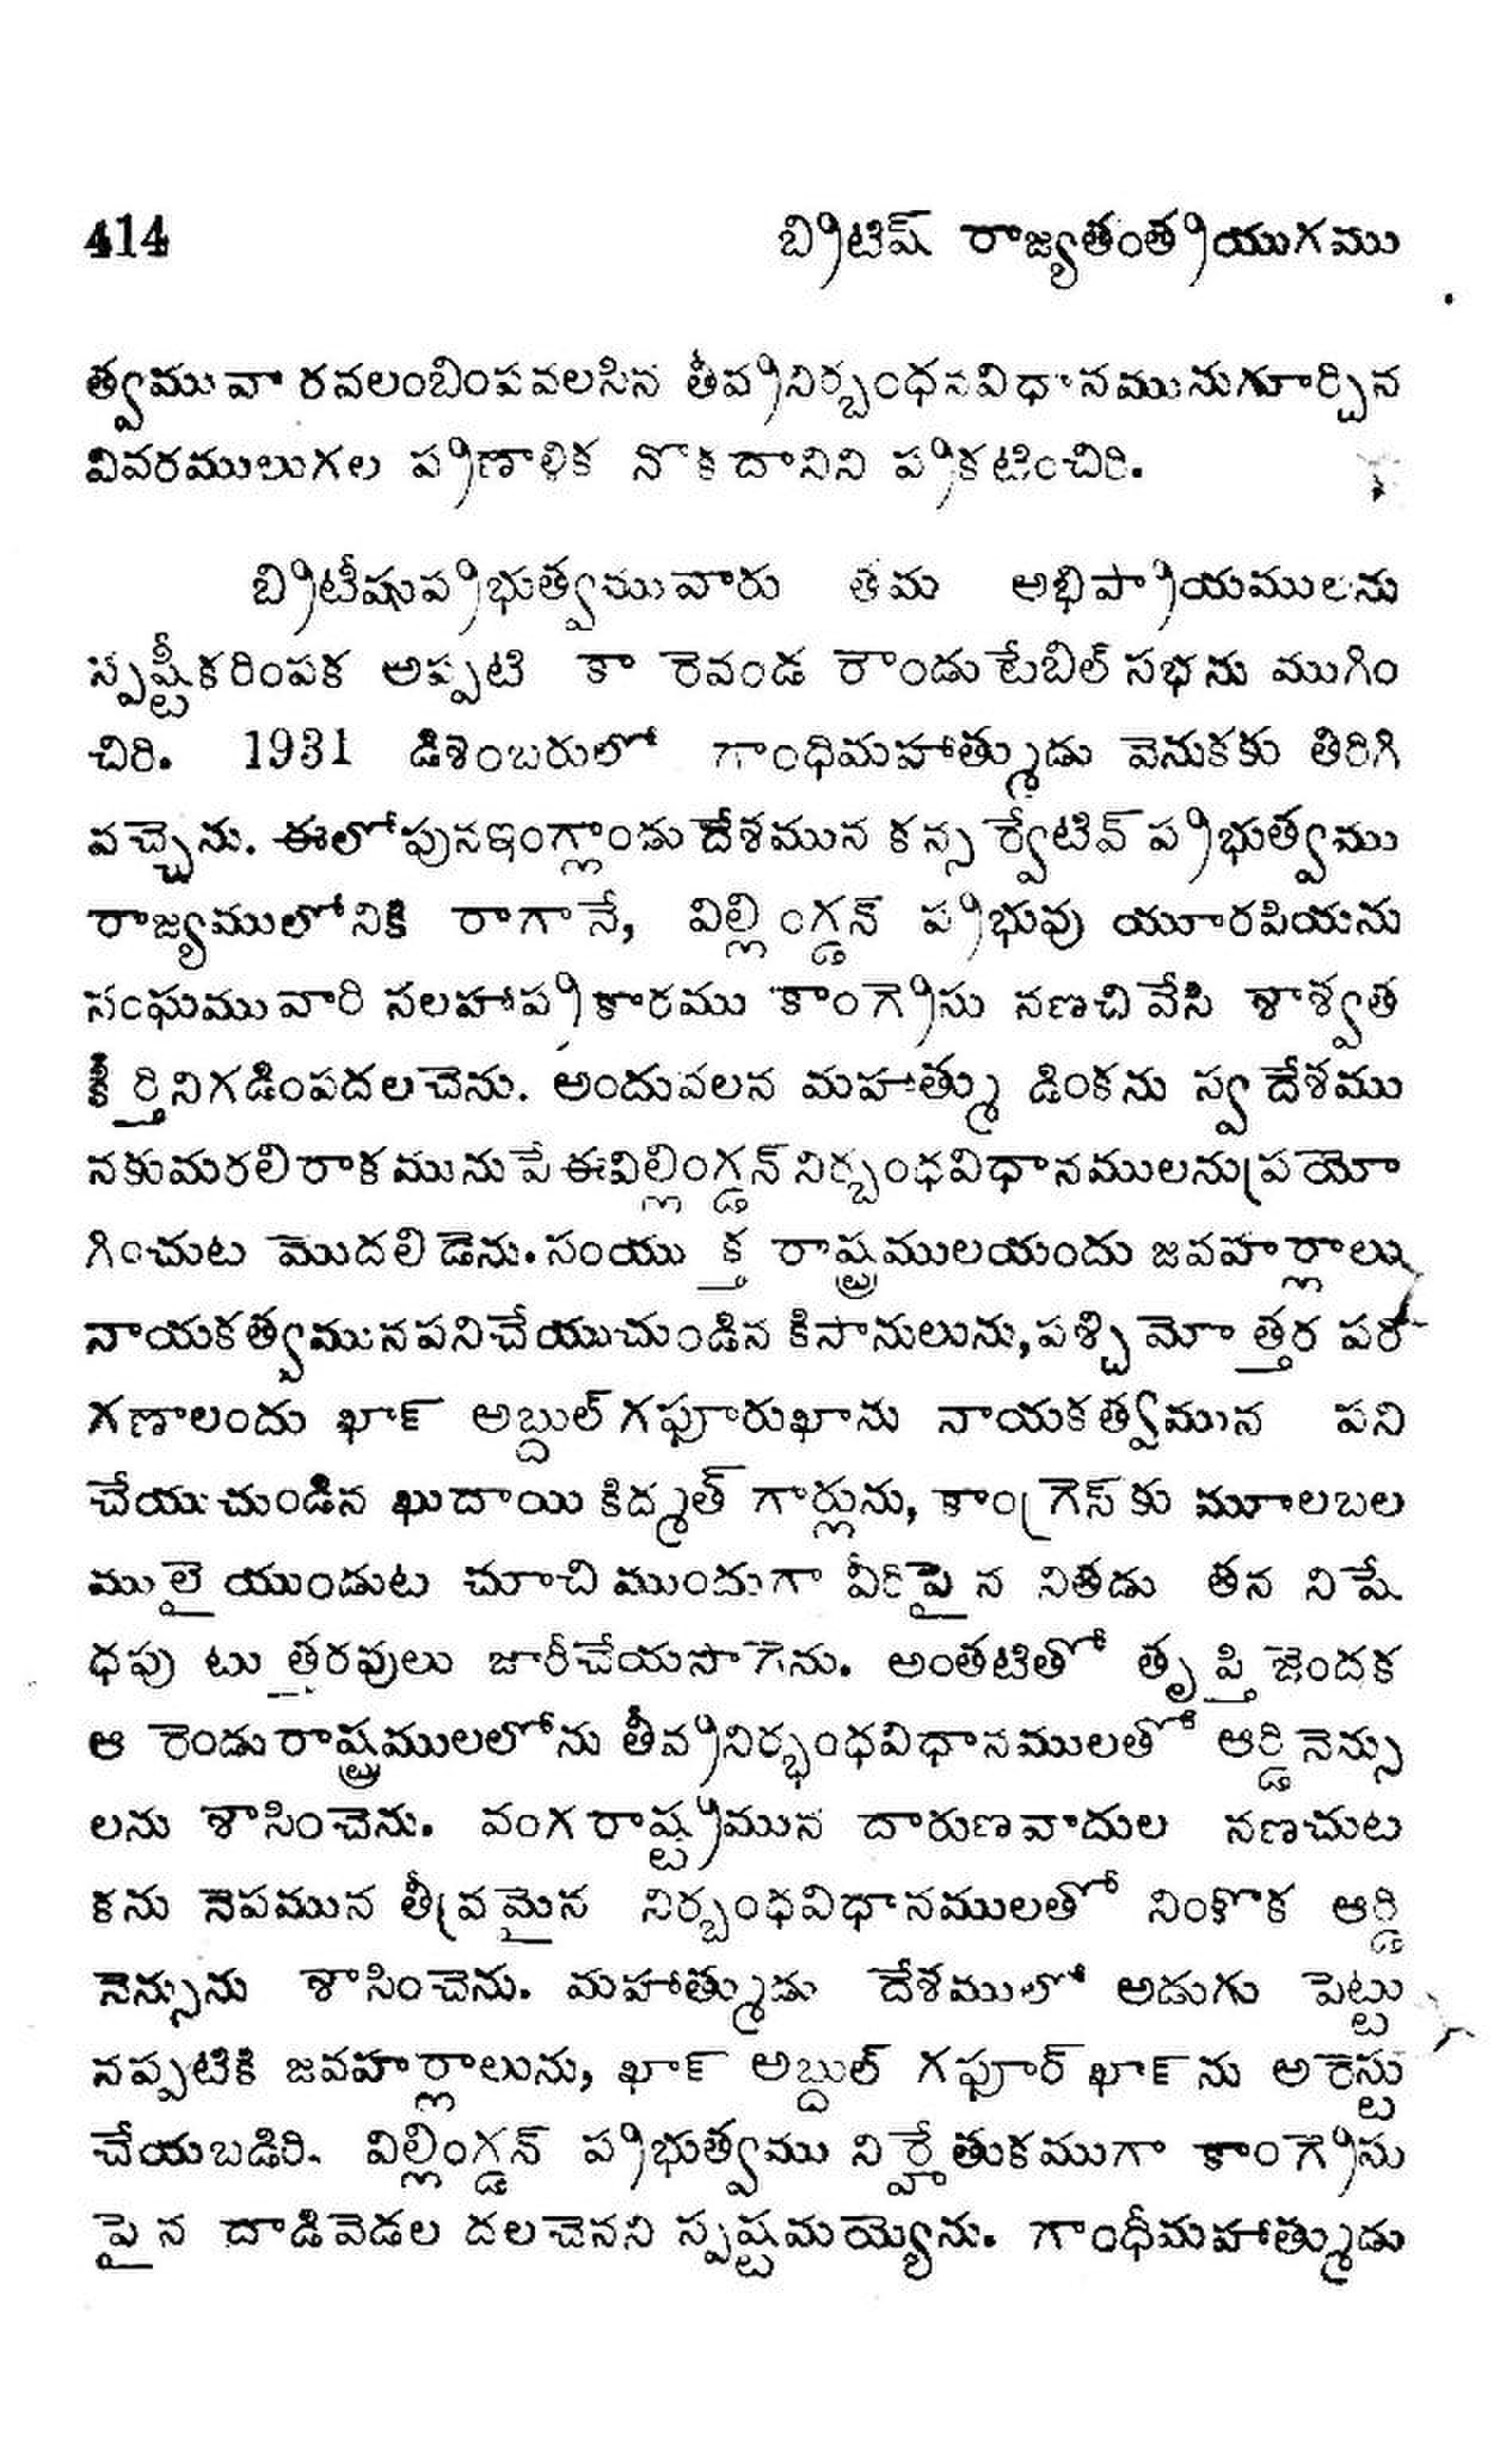త్వము వారవలంబింపవలసిన తీవ్రనిర్బంధనవిధానమునుగూర్చిన వివరములుగల ప్రణాళిక నొకదానిని ప్రకటించిరి.

బ్రిటీషుప్రభుత్వమువారు తమ అభిప్రాయములను స్పష్టీకరింపక అప్పటి కా రెండవ రౌండుటేబిల్ సభను ముగించిరి. 1931 డిశెంబరులో గాంధిమహాత్ముడు వెనుకకు తిరిగివచ్చెను. ఈలోపున ఇంగ్లాండుదేశమున కన్సర్వేటివ్ ప్రభుత్వము రాజ్యములోనికి రాగానే, విల్లింగ్డన్ ప్రభువు యూరపియను సంఘమువారి సలహాప్రకారము కాంగ్రెసు నణచివేసి శాశ్వత కీర్తినిగడింపదలచెను. అందువలన మహాత్ము డింకను స్వదేశమునకుమరలిరాకమునుపే ఈవిల్లింగ్డన్ నిర్బంధ విధానములను ప్రయోగించుట మొదలిడెను. సంయుక్త రాష్ట్రములయందు జవహర్లాలు నాయకత్వమున పనిచేయుచుండిన కిసానులును, పశ్చిమోత్తర పరగణాలందు ఖా౯ అబ్దుల్ గఫూరుఖాను నాయకత్వమున పనిచేయు చుండిన ఖుదాయి కిద్మత్ గార్లును, కాంగ్రెస్‌కు మూలబలములై యుండుట చూచి ముందుగా వీరిపైన నితడు తన నిషేధపు టుత్తరవులు జారీచేయసాగెను. అంతటితో తృప్తి జెందక ఆ రెండురాష్ట్రములలోను తీవ్రనిర్బంధవిధానములతో ఆర్డినెన్సులను శాసించెను. వంగరాష్ట్రమున దారుణవాదుల నణచుట కను నెపమున తీవ్రమైన నిర్బంధవిధానములతో నింకొక ఆర్థినెన్సును శాసించెను. మహాత్ముడు దేశములో అడుగు పెట్టునప్పటికి జవహర్లాలును, ఖా౯ అబ్దుల్ గఫూర్ ఖా౯ను అరెస్టు చేయబడిరి. విల్లింగ్డన్ ప్రభుత్వము నిర్హేతుకముగా కాంగ్రెసుపైన దాడివెడల దలచెనని స్పష్టమయ్యెను. గాంధీమహాత్ముడు